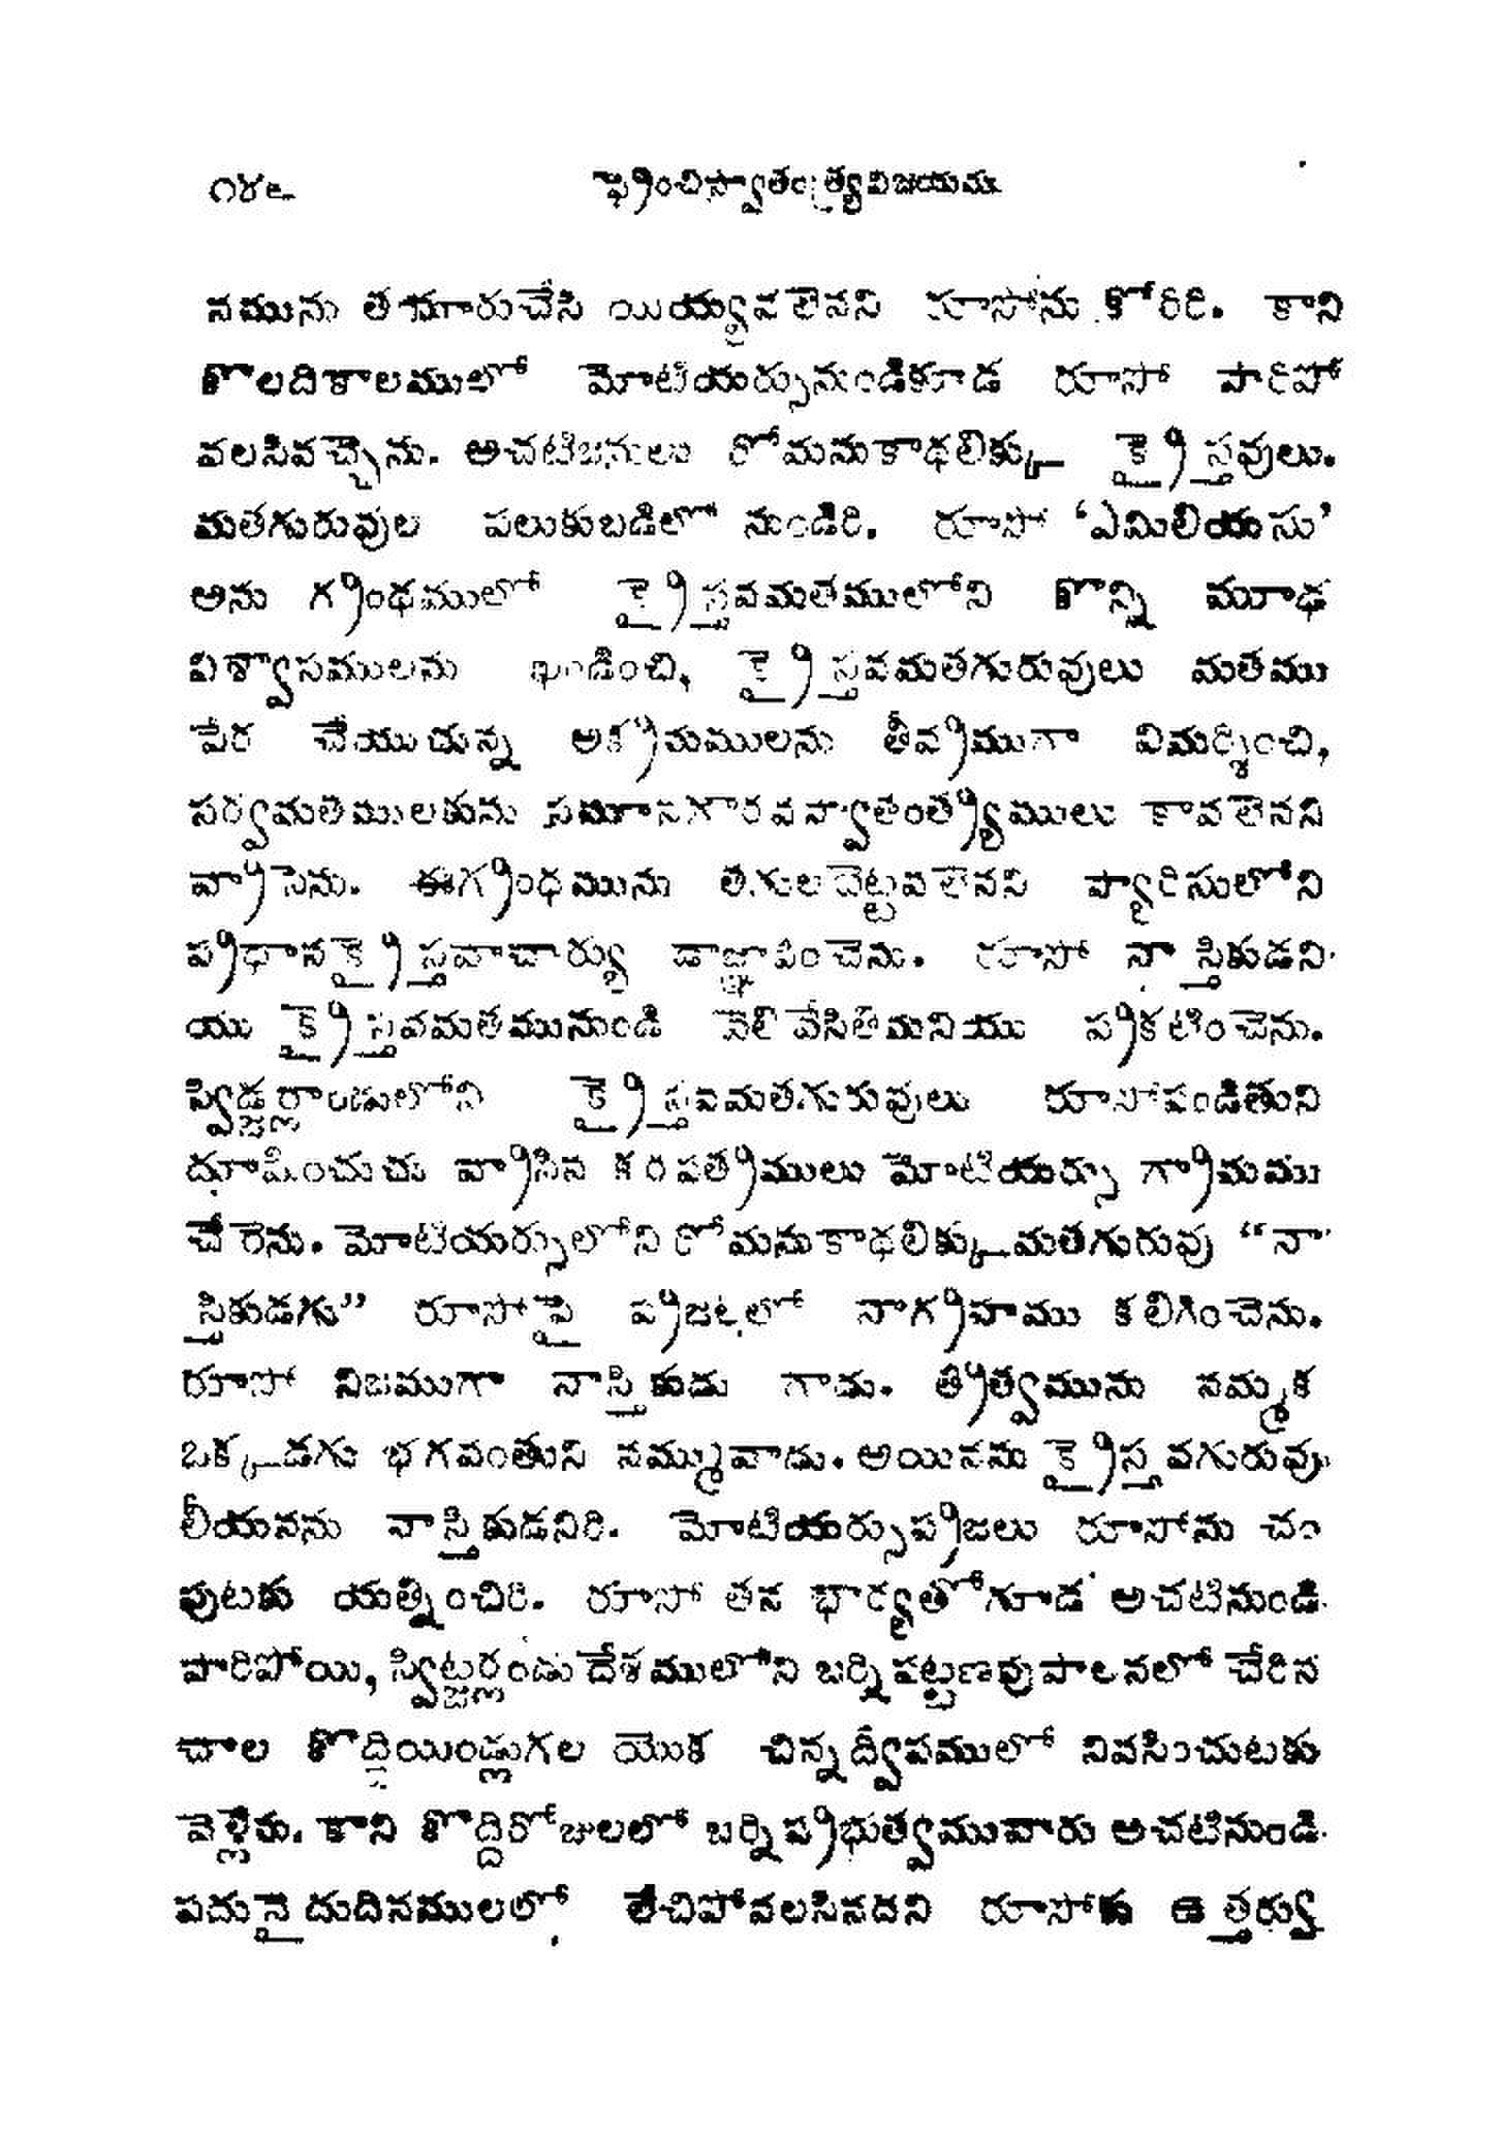నమును తయూరుచేసి యియ్యవ లెనసి రూసోను కోరిరి. కాని
కొలది కాలములో మోట యర్సునుండి కూడ రూసో పారిపో
వలసివచ్చెను. అచటి జనులు రోమసు కాథలిక్కు క్రైస్తవులు.
మతగురువుల పలుకుబడిలో నుండి, రూసో 'ఎమిలియసు'
అను గ్రంథములో క్రైస్తవమతములోని కొన్ని మూఢ
విశ్వాసములను ఖండించి, క్రైస్తవ మతగురువులు మతము
పేర చేయుచున్న అక్రమములను, తీవ్రముగా విమర్శించి,
సర్వమతములకును సమాన గౌరవ స్వాతంత్యములు కావలెనని
వ్రాసెను. ఈగ్రంధమును తగుల బెట్టవలెనని ప్యారిసులోని
ప్రధాన క్రైస్తవాచార్యు డాజ్ఞాపించెను. రూసో నాస్తికుడని,
యు క్రైస్తవమతము నుండి వెలి వేసితి మనియు ప్రకటించెను.
స్విట్జర్లాండులోని క్రైస్త ఎమతగురువులు రూ సోపండితుని
దూషించుచు వ్రాసిన కరపత్రములు మోటియర్సు గ్రామము
చేరెను. మోటియర్సులోని రోమను కాథలిక్కు మతగురువు "నా'
స్తికుడగు” రూసో పై ప్రజలలో నాగ్రహము కలిగించెను.
రూసో నిజముగా నాస్తికుడు గాడు. త్రత్వమును సమ్మక
ఒక్కడగు భగవంతుని సమ్మువాడు. అయినను క్రైస్త వగురువు,
లీయనను నాస్తికుడనిరి. మోటియర్సుప్రజలు రూసోను చం
పుటకు యత్నించిరి. రూసో తన భార్యతోగూడ అచటినుండి
పారిపోయి, స్విట్జర్లండు దేశములోని జర్ని పట్టణపు పాలనలో చేరిన
చాల కొద్దియిండ్లుగల యొక చిన్న ద్వీపములో నివసించుటకు
వెళ్లెను. కాని కొద్దిరోజులలో బర్ని ప్రభుత్వము వారు అచటినుండి.
పదునైదుదినములలో, లేచిపోవలసినదని రూసోకు ఉత్తర్వు